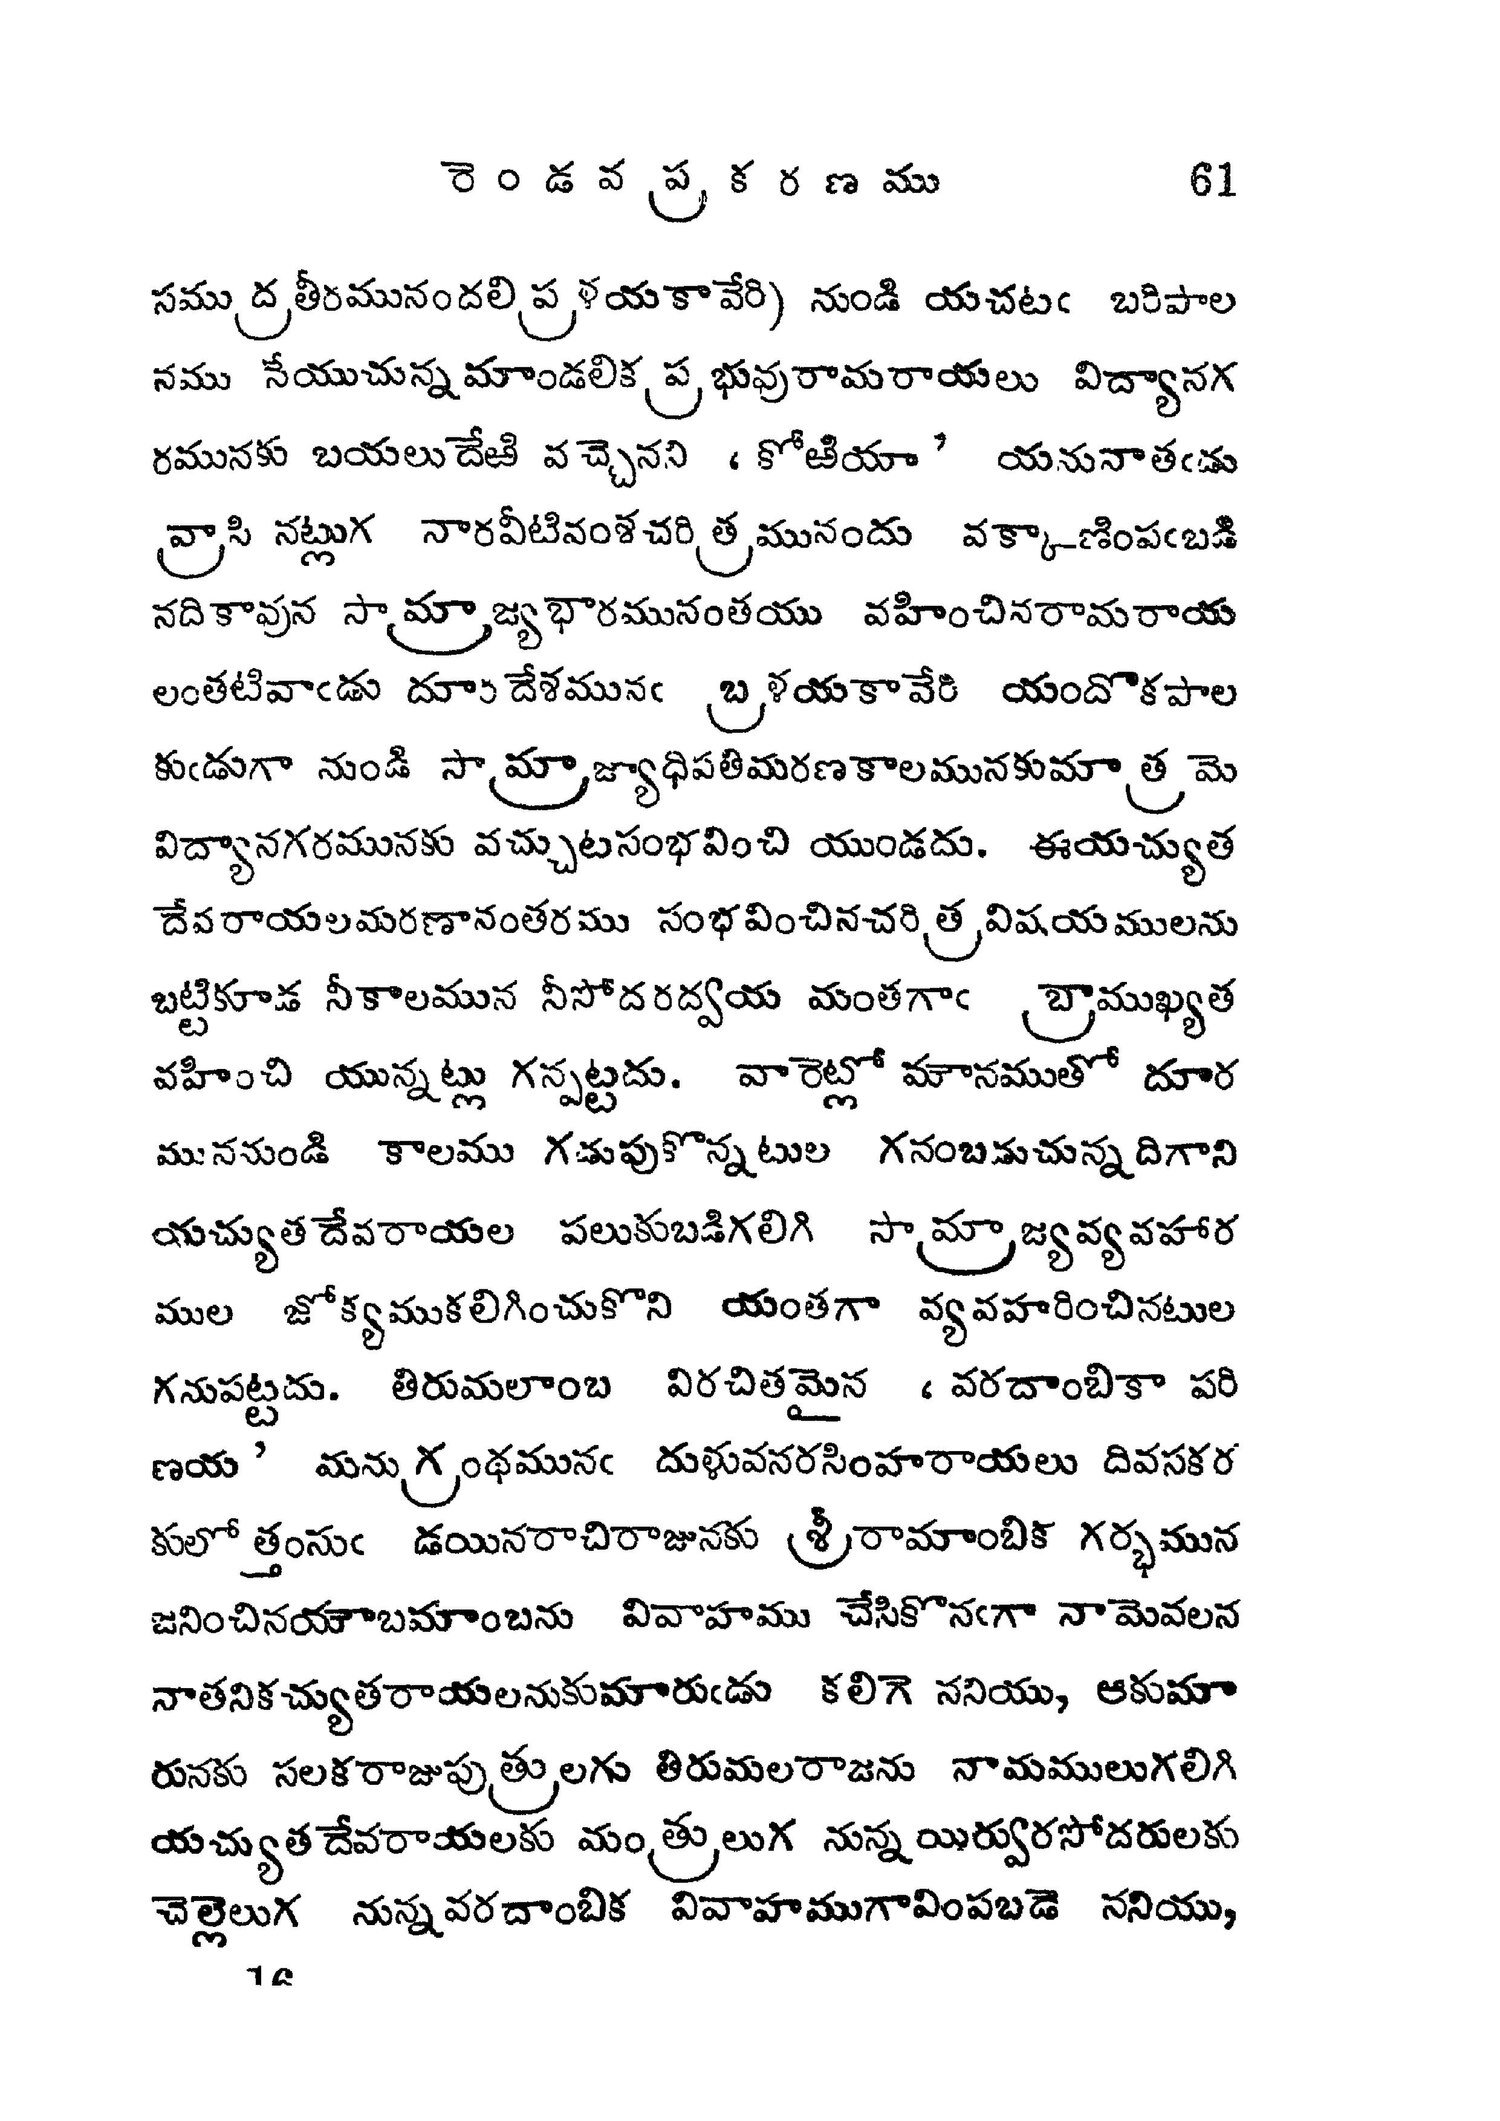సముద్రతీరమునందలిప్రళయకావేరి) నుండి యచట బరిపాలనము సేయుచున్నమాండలిక ప్రభువురామరాయలు విద్యానగరమునకు బయలుదేఱి వచ్చెనని 'కోఱియా' యనునాతడు వ్రాసి నట్లుగ నారవీటివంశచరిత్రమునందు వక్కాణింపబడినదికావున సామ్రాజ్యభారమునంతయు వహించిన రామరాయలంతటివాడు దూరదేశమున బ్రళయకావేరి యందొకపాలకుడుగా నుండి సామ్రాజ్యధిపతిమరణకాలమునకుమాత్రమె విద్యానగరమునకు వచ్చుటసంభవించి యుండదు. ఈయచ్యుత దేవరాయలమరణానంతరము సంభవించినచరిత్ర విషయములను బట్టి కూడ నీకాలమున నీసోదరద్వయ మంతగా బ్రాముఖ్యత వహించి యున్నట్లు గన్పట్టదు. వారెట్లో మౌనముతో దూరముననుండి కాలము గడుపుకొన్నటుల గనంబడుచున్నదిగాని యచ్యుతదేవరాయల పలుకుబడిగలిగి సామ్రాజ్యవ్యవహారముల జోక్యముకలిగించుకొని యంతగా వ్యవహరించినటుల గనుపట్టదు. తిరుమలాంబ విరచితమైన 'వరదాంబికా పరిణయ' మను గ్రంథమున దుళువనరసింహరాయలు దివసకర కులోత్తంసు డయినరాచిరాజునకు శ్రీరామాంబిక గర్భమున జనించినయౌబమాంబను వివాహము చేసికొనగా నామెవలన నాతనికచ్యుతరాయలనుకుమారుడు కలిగె ననియు, ఆకుమారునకు సలకరాజుపుత్రులగు తిరుమలరాజను నామములుగలిగి యచ్యుతదేవరాయలకు మంత్రులుగ నున్న యిర్వురసోదరులకు చెల్లెలుగ నున్నవరదాంబిక వివాహముగావింపబడె ననియు,